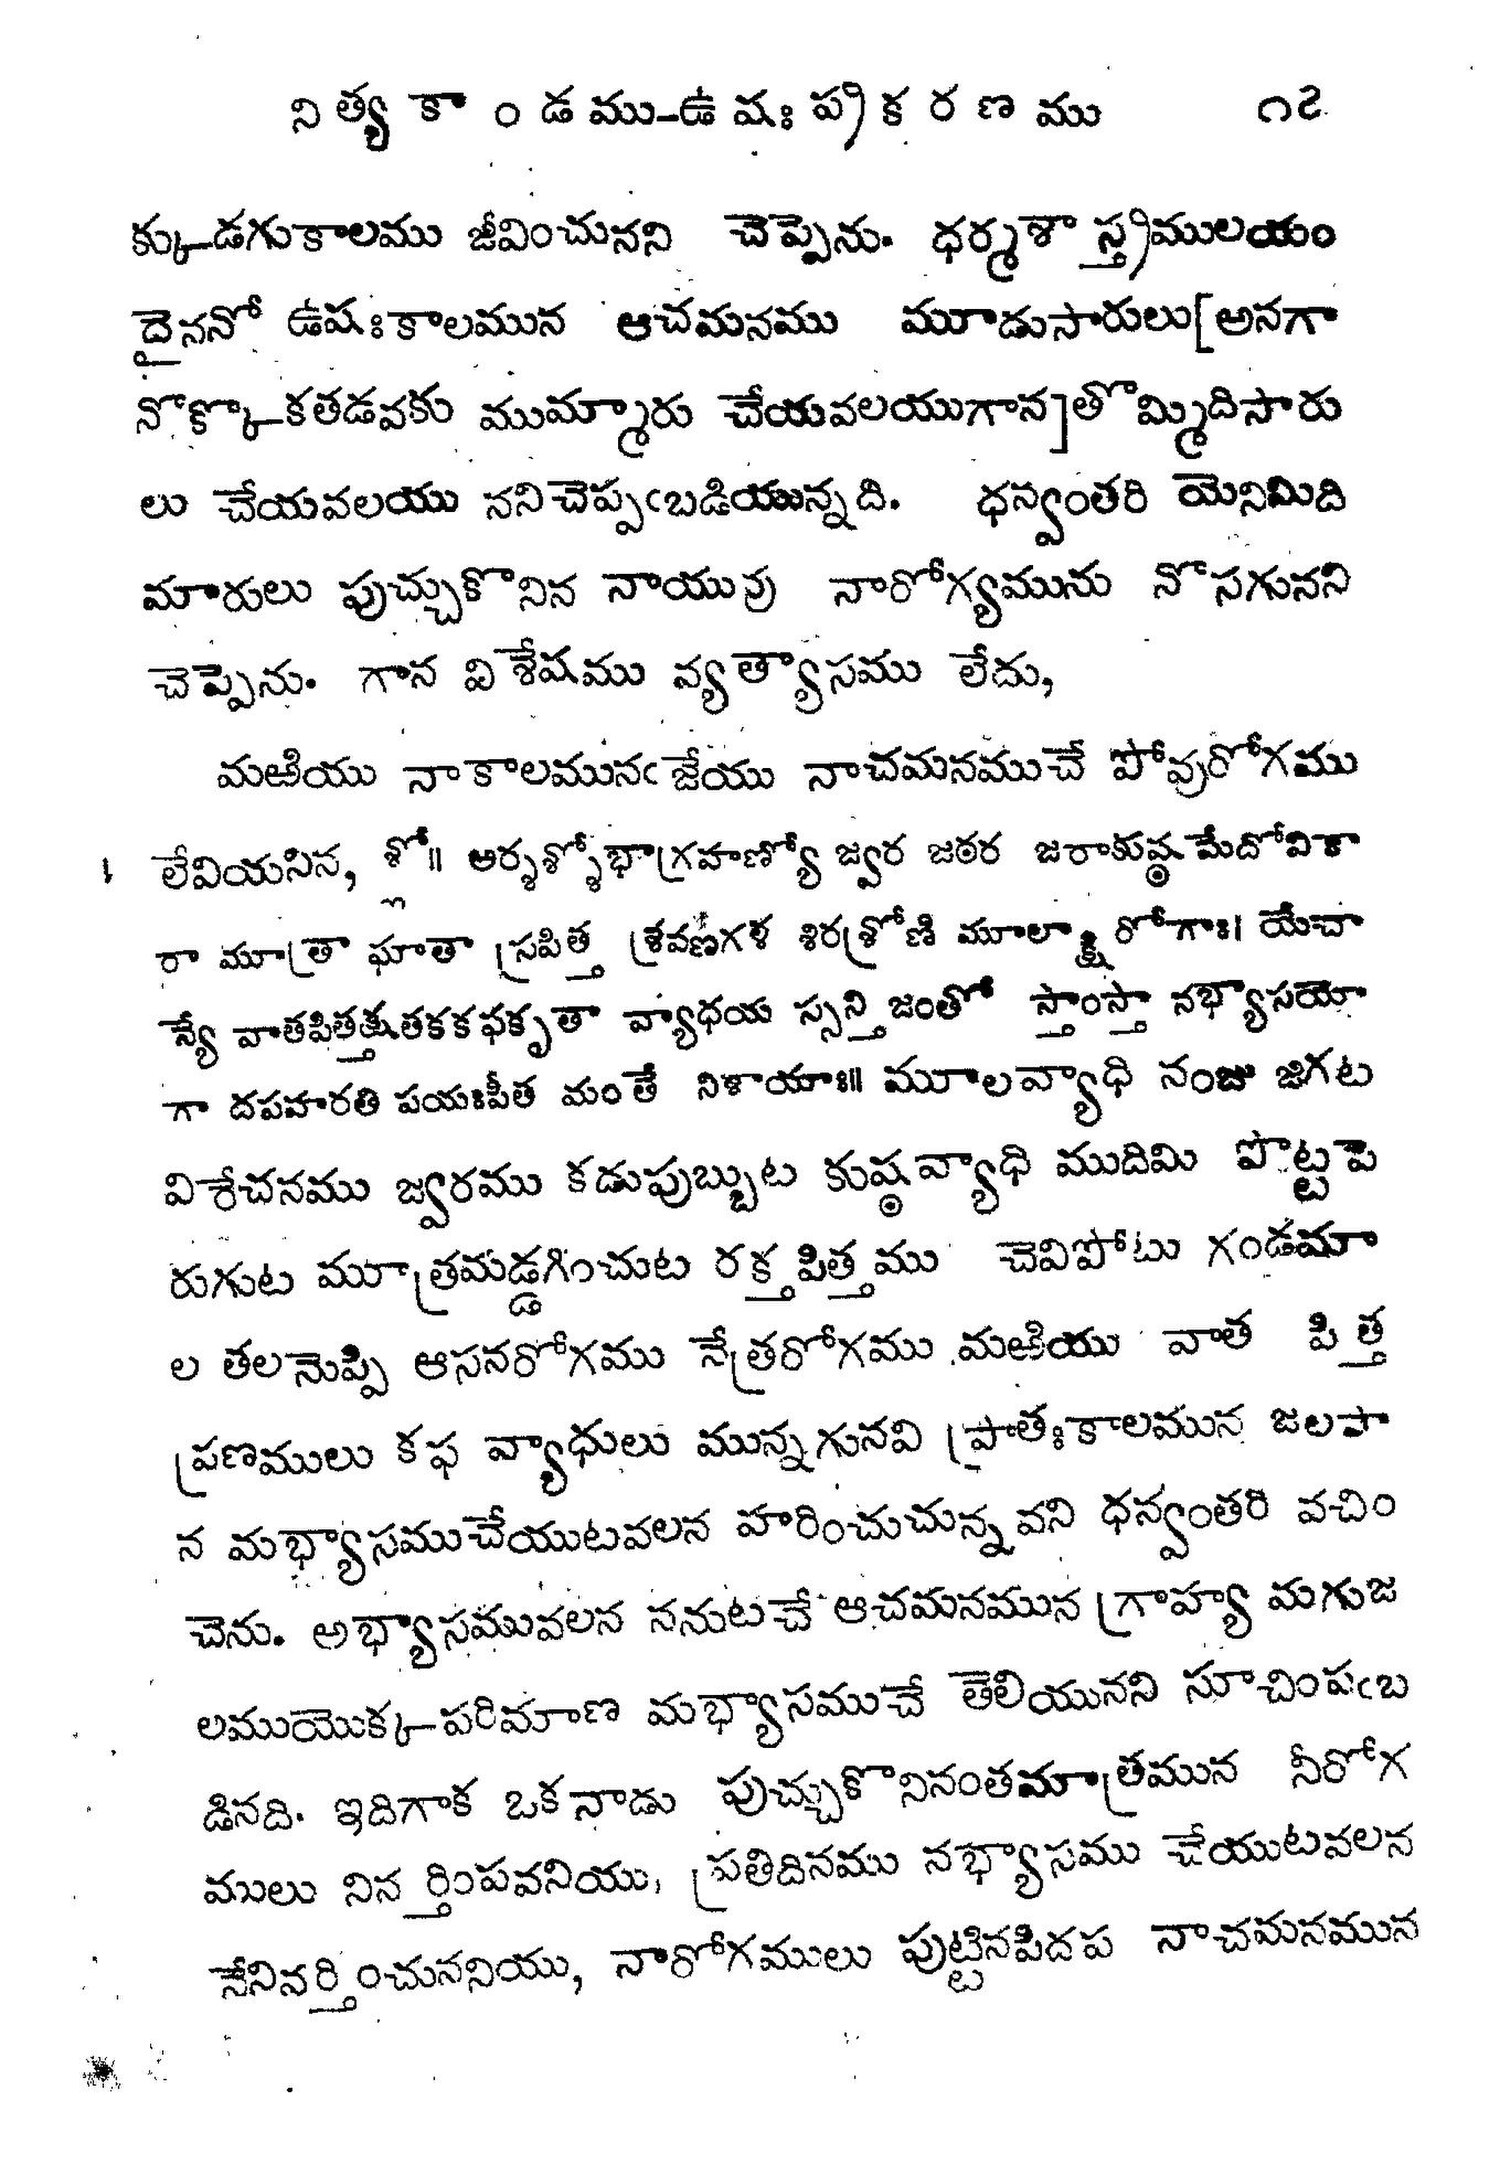క్కుడగుకాలము జీవించునని చెప్పెను. ధర్మశాస్త్రములయందైననో ఉషఃకాలమున ఆచమనము మూడుసారులు [అనగా నొక్కొకతడవకు ముమ్మారు చేయవలయుగాన] తొమ్మిదిసారులు చేయవలయు నని చెప్పఁబడియున్నది. ధన్వంతరి యెనిమిదిమారులు పుచ్చుకొనిన నాయువు నారోగ్యమును నొసగునని చెప్పెను. గాన విశేషము వ్యత్యాసము లేదు,

మఱియు నాకాలమునఁజేయు నాచమనముచే పోవురోగము లేవియనిన, శ్లో॥ అరృశ్శోభాగ్రహణ్యో జ్వర జఠర జరాకుష్ఠమేదోవికారా మూత్రా ఘాతా స్రపిత్త శ్రవణగళ శిరశ్రోణి మూలాక్షిరోగాః| యేచాన్యే వాతపిత్తక్షతకకఫకృతా వ్యాధయ స్సన్తిజంతో స్తాంస్తా నభ్యాసయోగా దపహరతి పయఃపీత మంతే నిశాయాః॥ మూలవ్యాధి నంజు జిగట విరేచనము జ్వరము కడుపుబ్బుట కుష్ఠువ్యాధి ముదిమి పొట్టపెరుగుట మూత్రమడ్డగించుట రక్తపిత్తము చెవిపోటు గండమాల తలనొప్పి ఆసనరోగము నేత్రరోగము మఱియు వాత పిత్త ప్రణములు కఫ వ్యాధులు మున్నగునవి ప్రాతఃకాలమున జలపాన మభ్యాసముచేయుటవలన హరించుచున్నవని ధన్వంతరి వచించెను. అభ్యాసమువలన ననుటచే ఆచమనమున గ్రాహ్య మగుజలముయొక్కపరిమాణ మభ్యాసముచే తెలియునని సూచింపఁబడినది. ఇదిగాక ఒకనాడు పుచ్చుకొనినంతమాత్రమున నీరోగములు నివర్తింపవనియు, ప్రతిదినము నభ్యాసము చేయుటవలననే నివర్తించుననియు, నారోగములు పుట్టినపిదప నాచమనమున